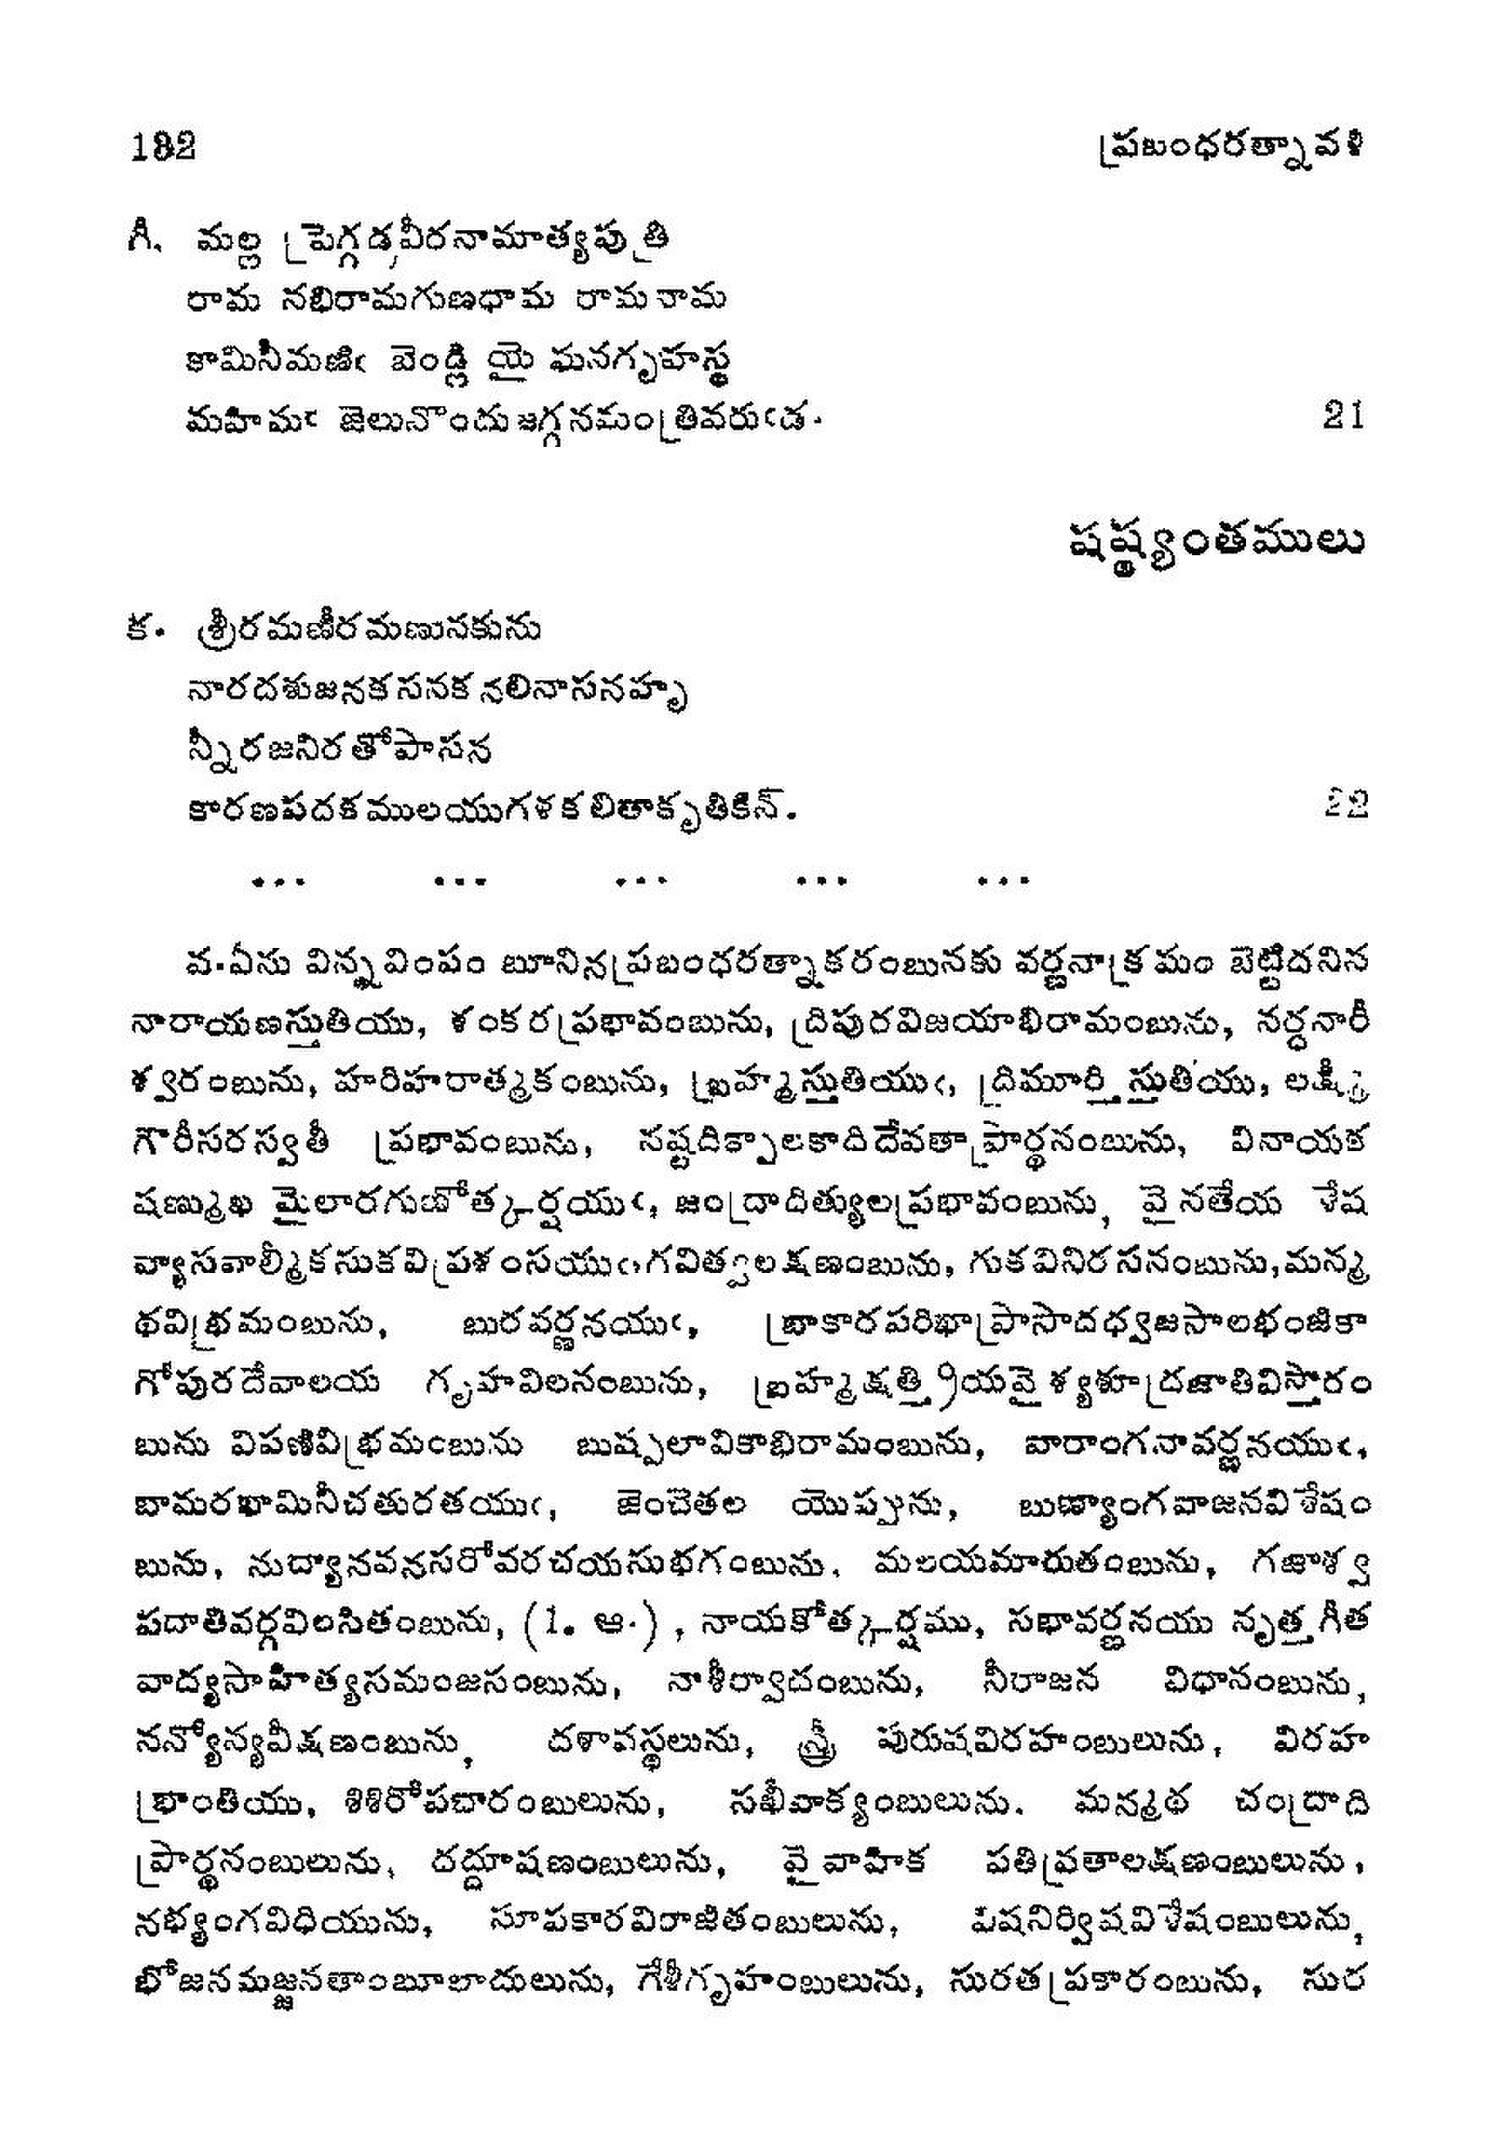తే. మల్లప్రెగ్గడ వీరనామాత్యపుత్త్రి
రామ నభిరామ గుణధామ రామనామ
కామినీమణిఁ బెండ్లియై ఘనగృహస్థ
మహిమఁ జెలువొందు జగ్గన మంత్రివరుఁడ. 21

క. శ్రీరమణీరమణునకును
నారదశుకజనకసనకనలినాసనహృ
న్నీరజనిరతోపాసన
కారణపదకమలయుగళకలితాకృతికిన్. 22

... ... ... ... ...
వ. ఏను విన్నవింపఁబూనిన ప్రబంధరత్నాకరంబునకు వర్ణనాక్రమం బెట్టిదనిన నారాయణస్తుతియు శంకరప్రభావంబును ద్రిపురవిజయాభిరామంబును నర్ధనారీశ్వరంబును హరిహరాత్మకంబును బ్రహ్మస్తుతియుఁ ద్రిమూర్తిస్తుతియు లక్ష్మీగౌరీసరస్వతీప్రభావంబును నష్టదిక్పాలకాది దేవతాప్రార్థనంబును వినాయకషణ్ముఖ మైలారగుణోత్కర్షయుఁ జంద్రాదిత్యులప్రభావంబును వైనతేయశేషవ్యాసవాల్మీకిసుకవిప్రశంసయుఁ గవిత్వలక్షణంబును గుకవినిరసనంబును మన్మథవిభ్రమంబును బురవర్ణనయుఁ బ్రాకారపరిఖాప్రాసాదధ్వజసాలభంజికాగోపురదేవాలయగృహవిలసనంబును బ్రహ్మక్షత్రియవైశ్యశూద్రజాతి విస్తారంబును విపణివిభ్రమంబును బుష్పలావికాభిరామంబును వారాంగనావర్ణనయుఁ బామరభామనీచతురతయుఁ జెంచెతల యొప్పును బుణ్యాంగనాజనవిశేషంబును నుద్యానవనసరోవరచయసుభగంబును మలయమారుతంబును గజాశ్వపదాతివర్గవిలసితంబును [1ఆ] నాయకోత్కర్షయు సభావర్ణనయు నృత్తగీతవాద్య సాహిత్యమంజసంబును నాశీర్వాదంబును నీరాజనవిధానంబును ఛప్పన్నదేశంబుల నామంబులును రాజ్యపరిపాలనంబును స్త్రీవర్ణనయు నవలోకనంబులును నన్యోన్యవీక్షణంబును దశావస్థలును స్త్రీపురుషవిరహంబులును విరహభ్రాంతియు శిశిరోపచారంబులును సఖీవాక్యంబులును మన్మథచంద్రాదిప్రార్థనంబులును దద్దూషణంబులును వైవాహిక పతివ్రతా లక్షణంబులును నభ్యంగనవిధియును సూపకారవిరాజితంబును విషనిర్విషవిశేషంబులును భోజనమజ్జనతాంబూలంబులును గేళీగృహంబులును సురతప్రకారంబును సుర